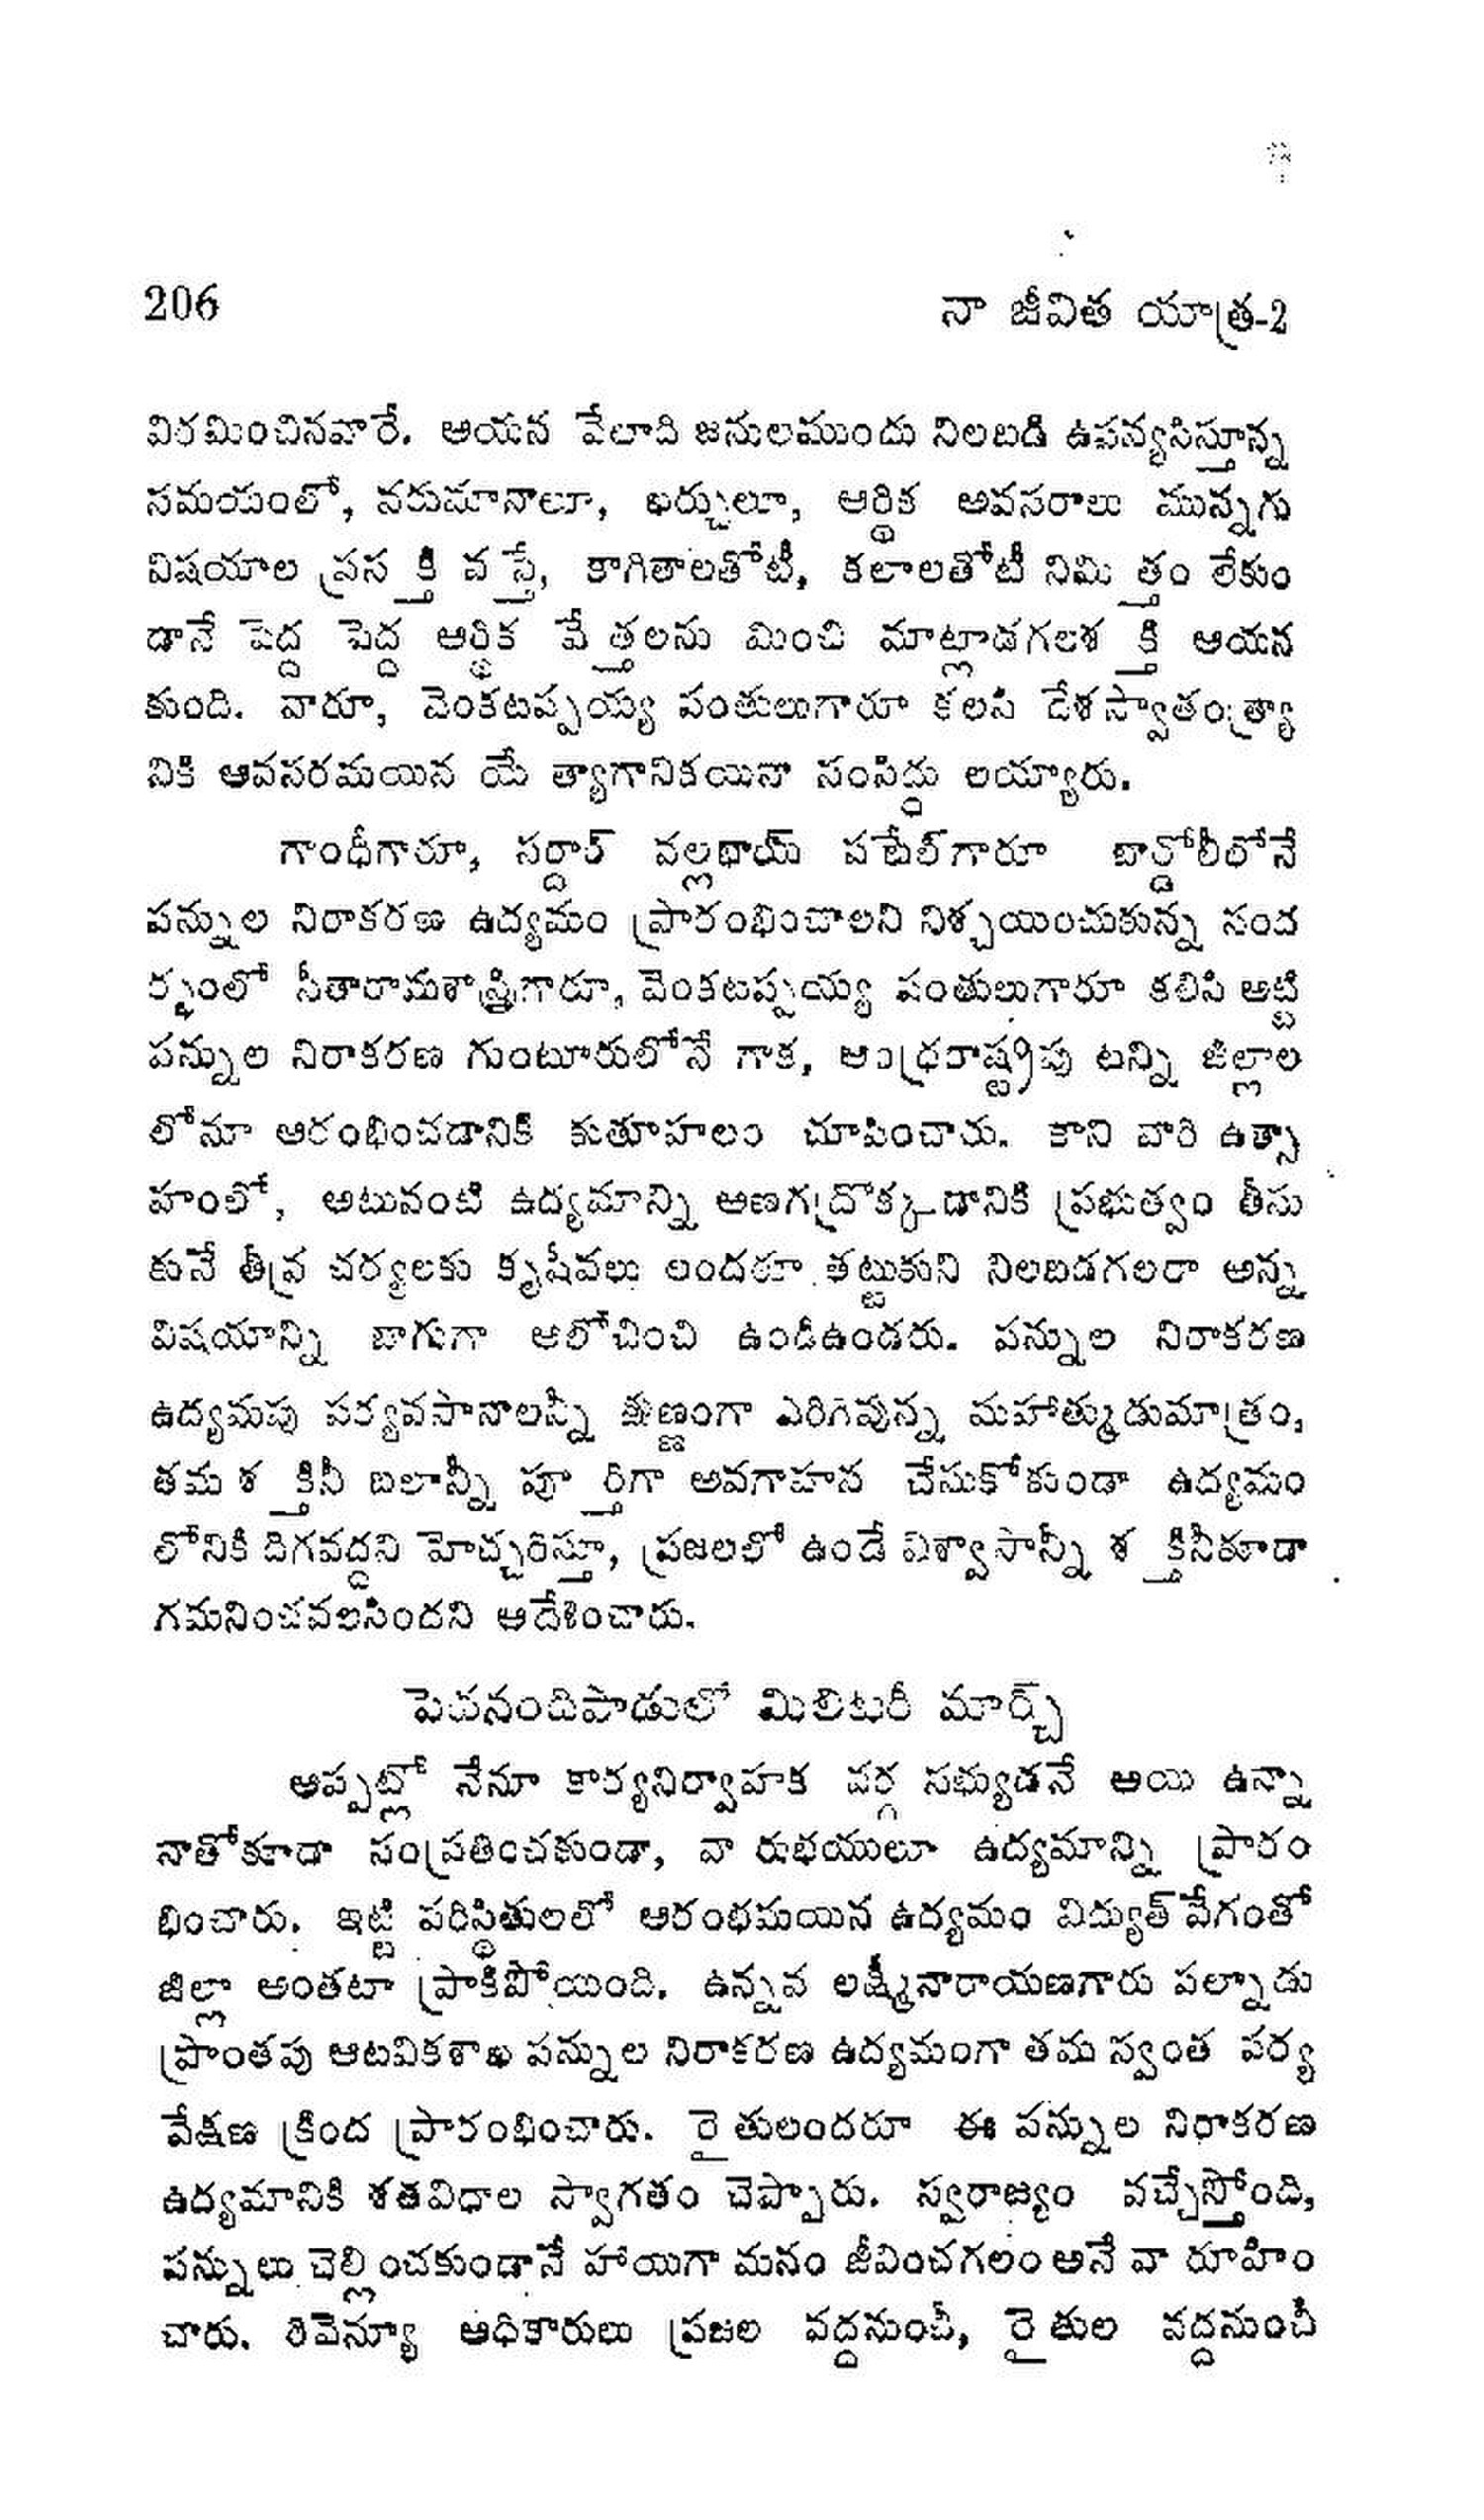విరమించినవారే, ఆయన వేలాది జనులముందు నిలబడి ఉపన్యసిస్తూన్న సమయంలో, వరుమానాలూ, ఖర్చులూ, ఆర్ధిక అవసరాలు మున్నగు విషయాల ప్రసక్తి వస్తే, కాగితాలతోటీ, కలాలతోటీ నిమిత్తం లేకుండానే పెద్ద పెద్ద ఆర్థిక వేత్తలను మించి మాట్లాడగలశక్తి ఆయనకుంది. వారూ, వెంకటప్పయ్య పంతులుగారూ కలసి దేశస్వాతంత్ర్యానికి అవసరమయిన యే త్యాగానికయినా సంసిద్దు లయ్యారు.

గాంధీగారూ, సర్దార్ వల్లబాయ్ పటేలుగారూ బార్డోలీలోనే పన్నుల నిరాకరణ ఉద్యమం ప్రారంభించాలని నిశ్చయించుకున్న సందర్భంలో సీతారామశాస్త్రిగారూ, వెంకటప్పయ్య పంతులుగారూ కలిసి అట్టి పన్నుల నిరాకరణ గుంటూరులోనే గాక, ఆంధ్రరాష్ట్రపు టన్ని జిల్లాలలోనూ ఆరంభించడానికి కుతూహలం చూపించారు.కాని వారి ఉత్సాహంలో, అటువంటి ఉద్యమాన్ని అణగద్రొక్కడానికి ప్రభుత్వం తీసుకునే తీవ్ర చర్యలకు కృషీవలు లందరూ తట్టుకుని నిలబడగలరా అన్న విషయాన్ని బాగుగా ఆలోచించి ఉండిఉండరు. పన్నుల నిరాకరణ ఉధ్యమపు పర్యవసానాలన్నీ క్షుణ్ణంగా ఎరిగివున్న మహాత్ముడుమాత్రం, తమశక్తినీ బలాన్నీ పూర్తిగా అవగాహన చేసుకోకుండా ఉద్యమంలోనికి దిగవద్దని హెచ్చరిస్తూ, ప్రజలలో ఉండే విశ్వాసాన్నీ శక్తినీ కూడా గమనించవలసిందని ఆదేశించారు.

అప్పట్లో నేనూ కార్యనిర్వాహక వర్గ సభ్యుడనే అయి ఉన్నా నాతోకూడా సంప్రతించకుండా, వా రుభయులూ ఉద్యమాన్ని ప్రారంభించారు. ఇట్టి పరిస్థితులలో ఆరంభమయిన ఉద్యమం విద్యుత్‌వేగంతో జిల్లా అంతటా ప్రాకిపోయింది. ఉన్నవ లక్ష్మీనారాయణగారు పల్నాడు ప్రాంతపు అటవికశాఖ పన్నుల నిరాకరణ ఉద్యమంగా తమ స్వంత పర్యవేక్షణ క్రింద ప్రారంభించారు. రైతులందరూ ఈ పన్నుల నిరాకరణ ఉద్యమానికి శతవిధాల స్వాగతం చెప్పారు. స్వరాజ్యం వచ్చేస్తోంది, పన్నులు చెల్లించకుండానే హాయిగా మనం జీవించగలం అనే వా రూహించారు. రివెన్యూ అధికారులు ప్రజల వద్దనుంచీ, రైతుల వద్దనుంచీ